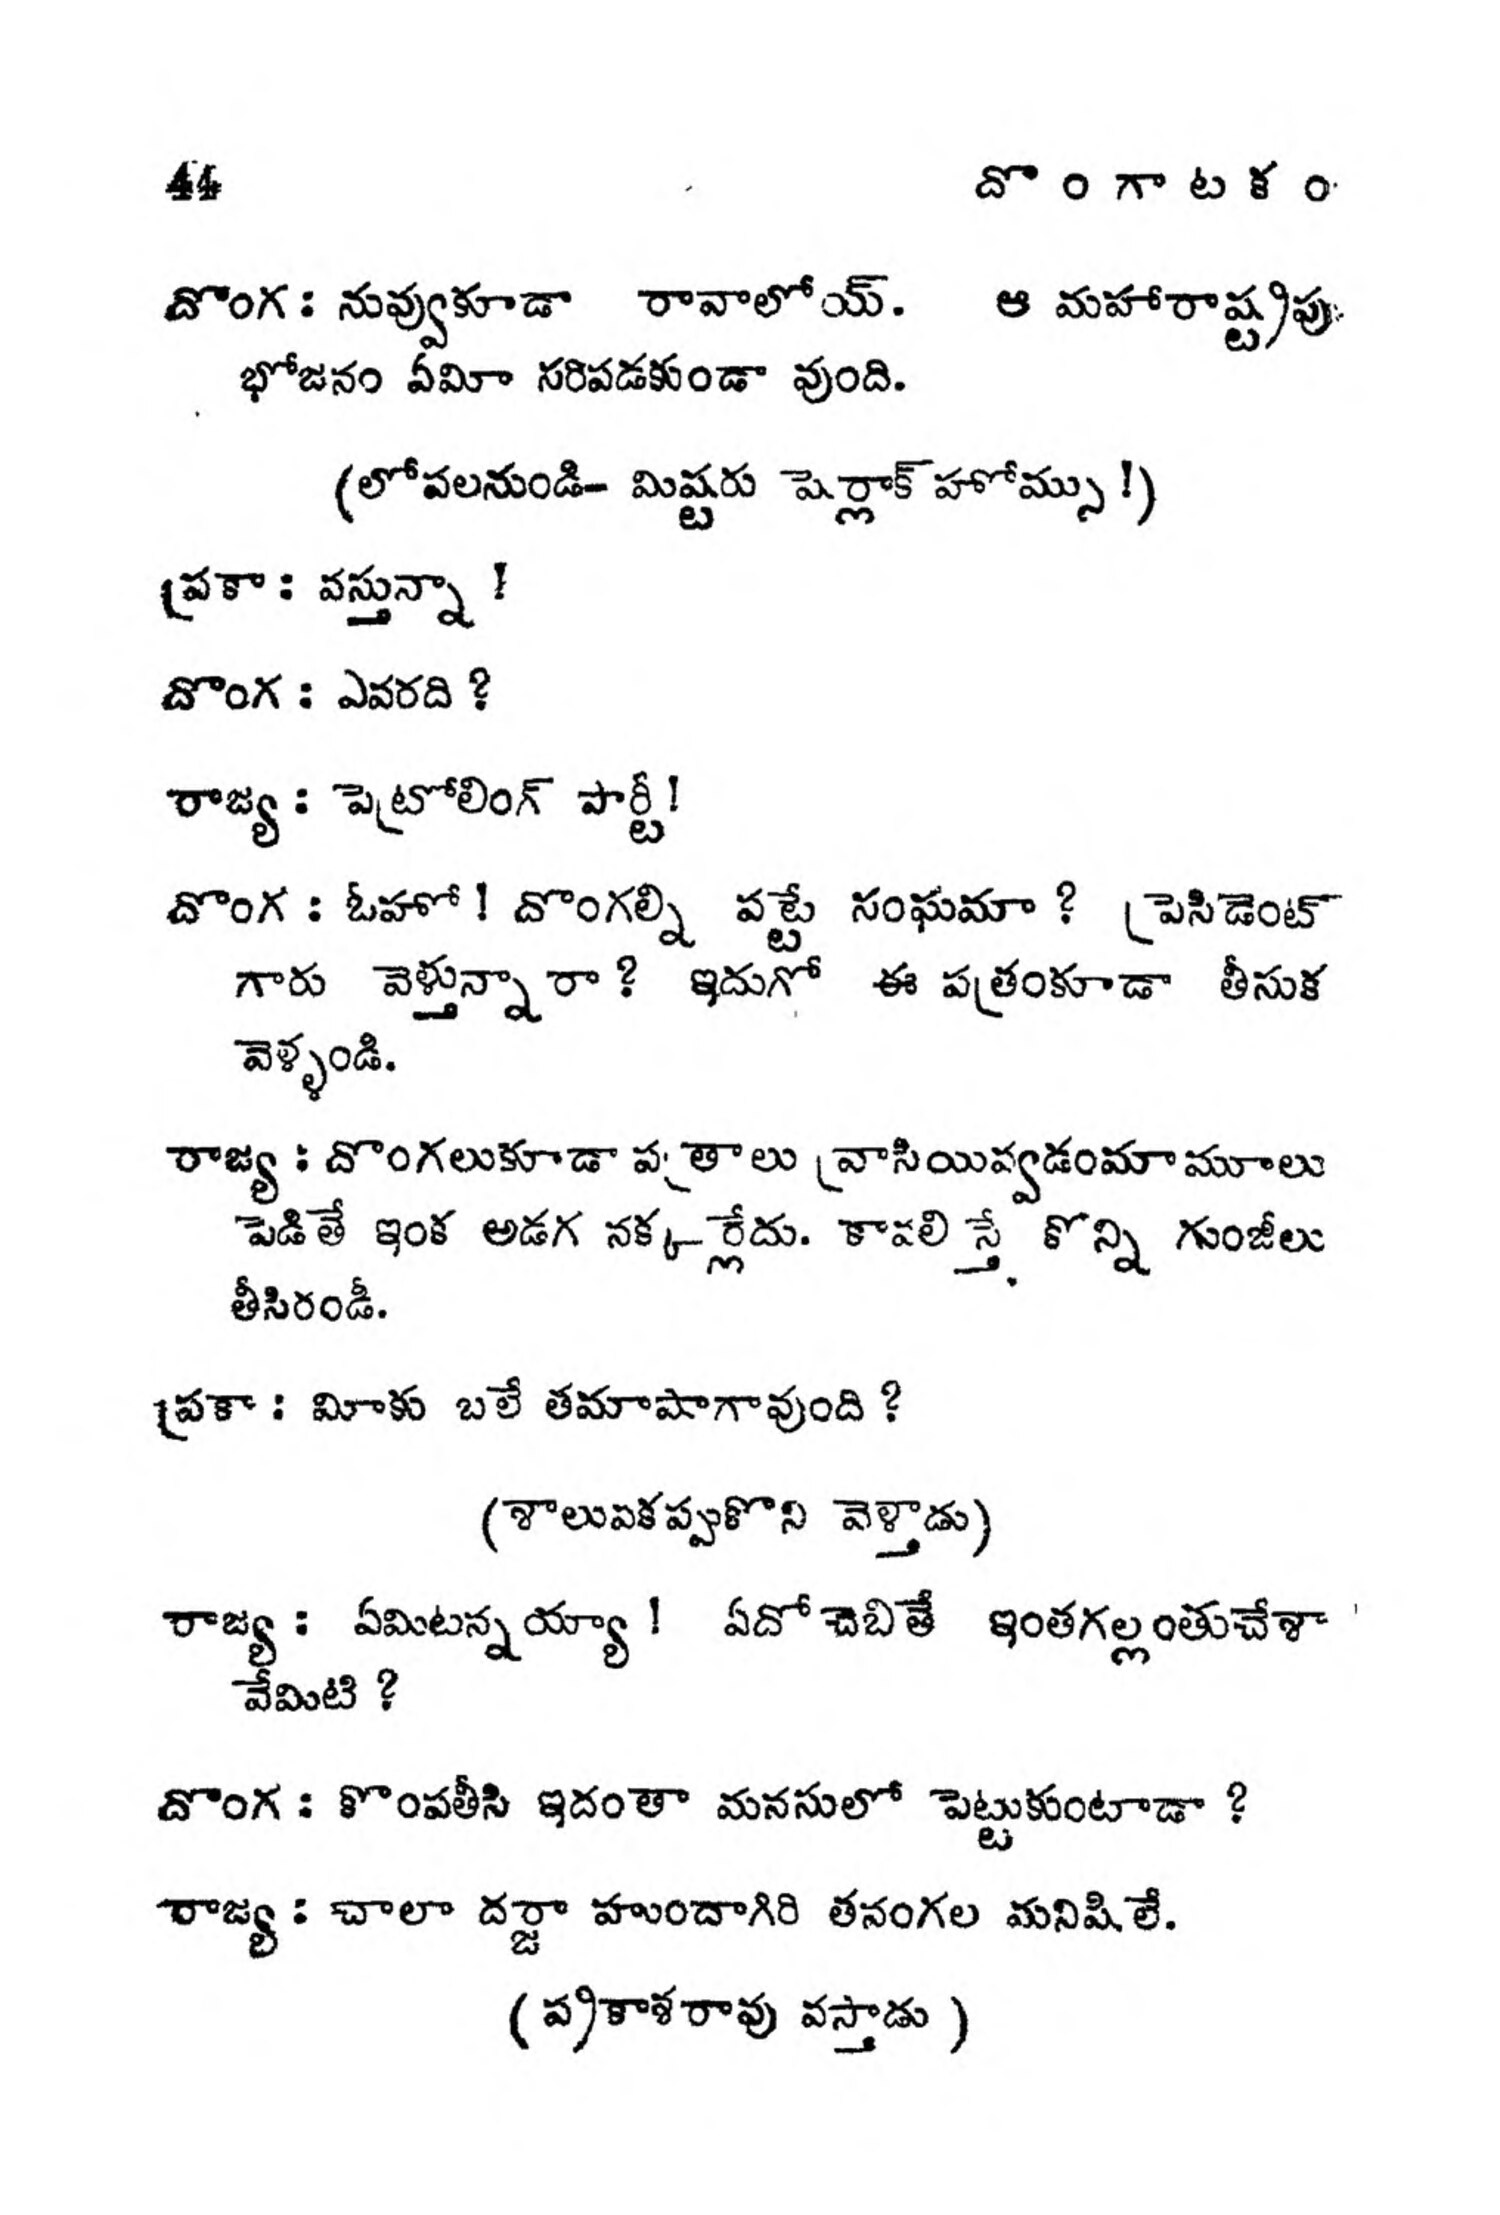దొంగ : నువ్వుకూడా రావాలోయ్. ఆ మహారాష్ట్రపు భోజనం ఏమీ సరిపడకుండా వుంది.

ప్రకా : వస్తున్నా !

దొంగ : ఎవరది ?

రాజ్య : పెట్రోలింగ్ పార్టీ !

దొంగ : ఓహో! దొంగల్ని పట్టే సంఘమా? ప్రెసిడెంట్ గారు వెళ్తున్నారా? ఇదుగో ఈ పత్రంకూడా తీసుకవెళ్ళండి.

రాజ్య : దొంగలుకూడా పత్రాలు వ్రాసియివ్వడంమామూలు పెడితే ఇంక అడగనక్కర్లేదు. కావలిస్తే కొన్ని గుంజీలు
తీసిరండీ.

ప్రకా : మీకు బలే తమాషాగావుంది ?

రాజ్య : ఏమిటన్నయ్యా ! ఏదోచెబితే ఇంతగల్లంతుచేశా వేమిటి ?

దొంగ : కొంపతీసి ఇదంతా మనసులో పెట్టుకుంటాడా ?

రాజ్య : చాలా దర్జా హుందాగిరి తనంగల మనిషిలే.